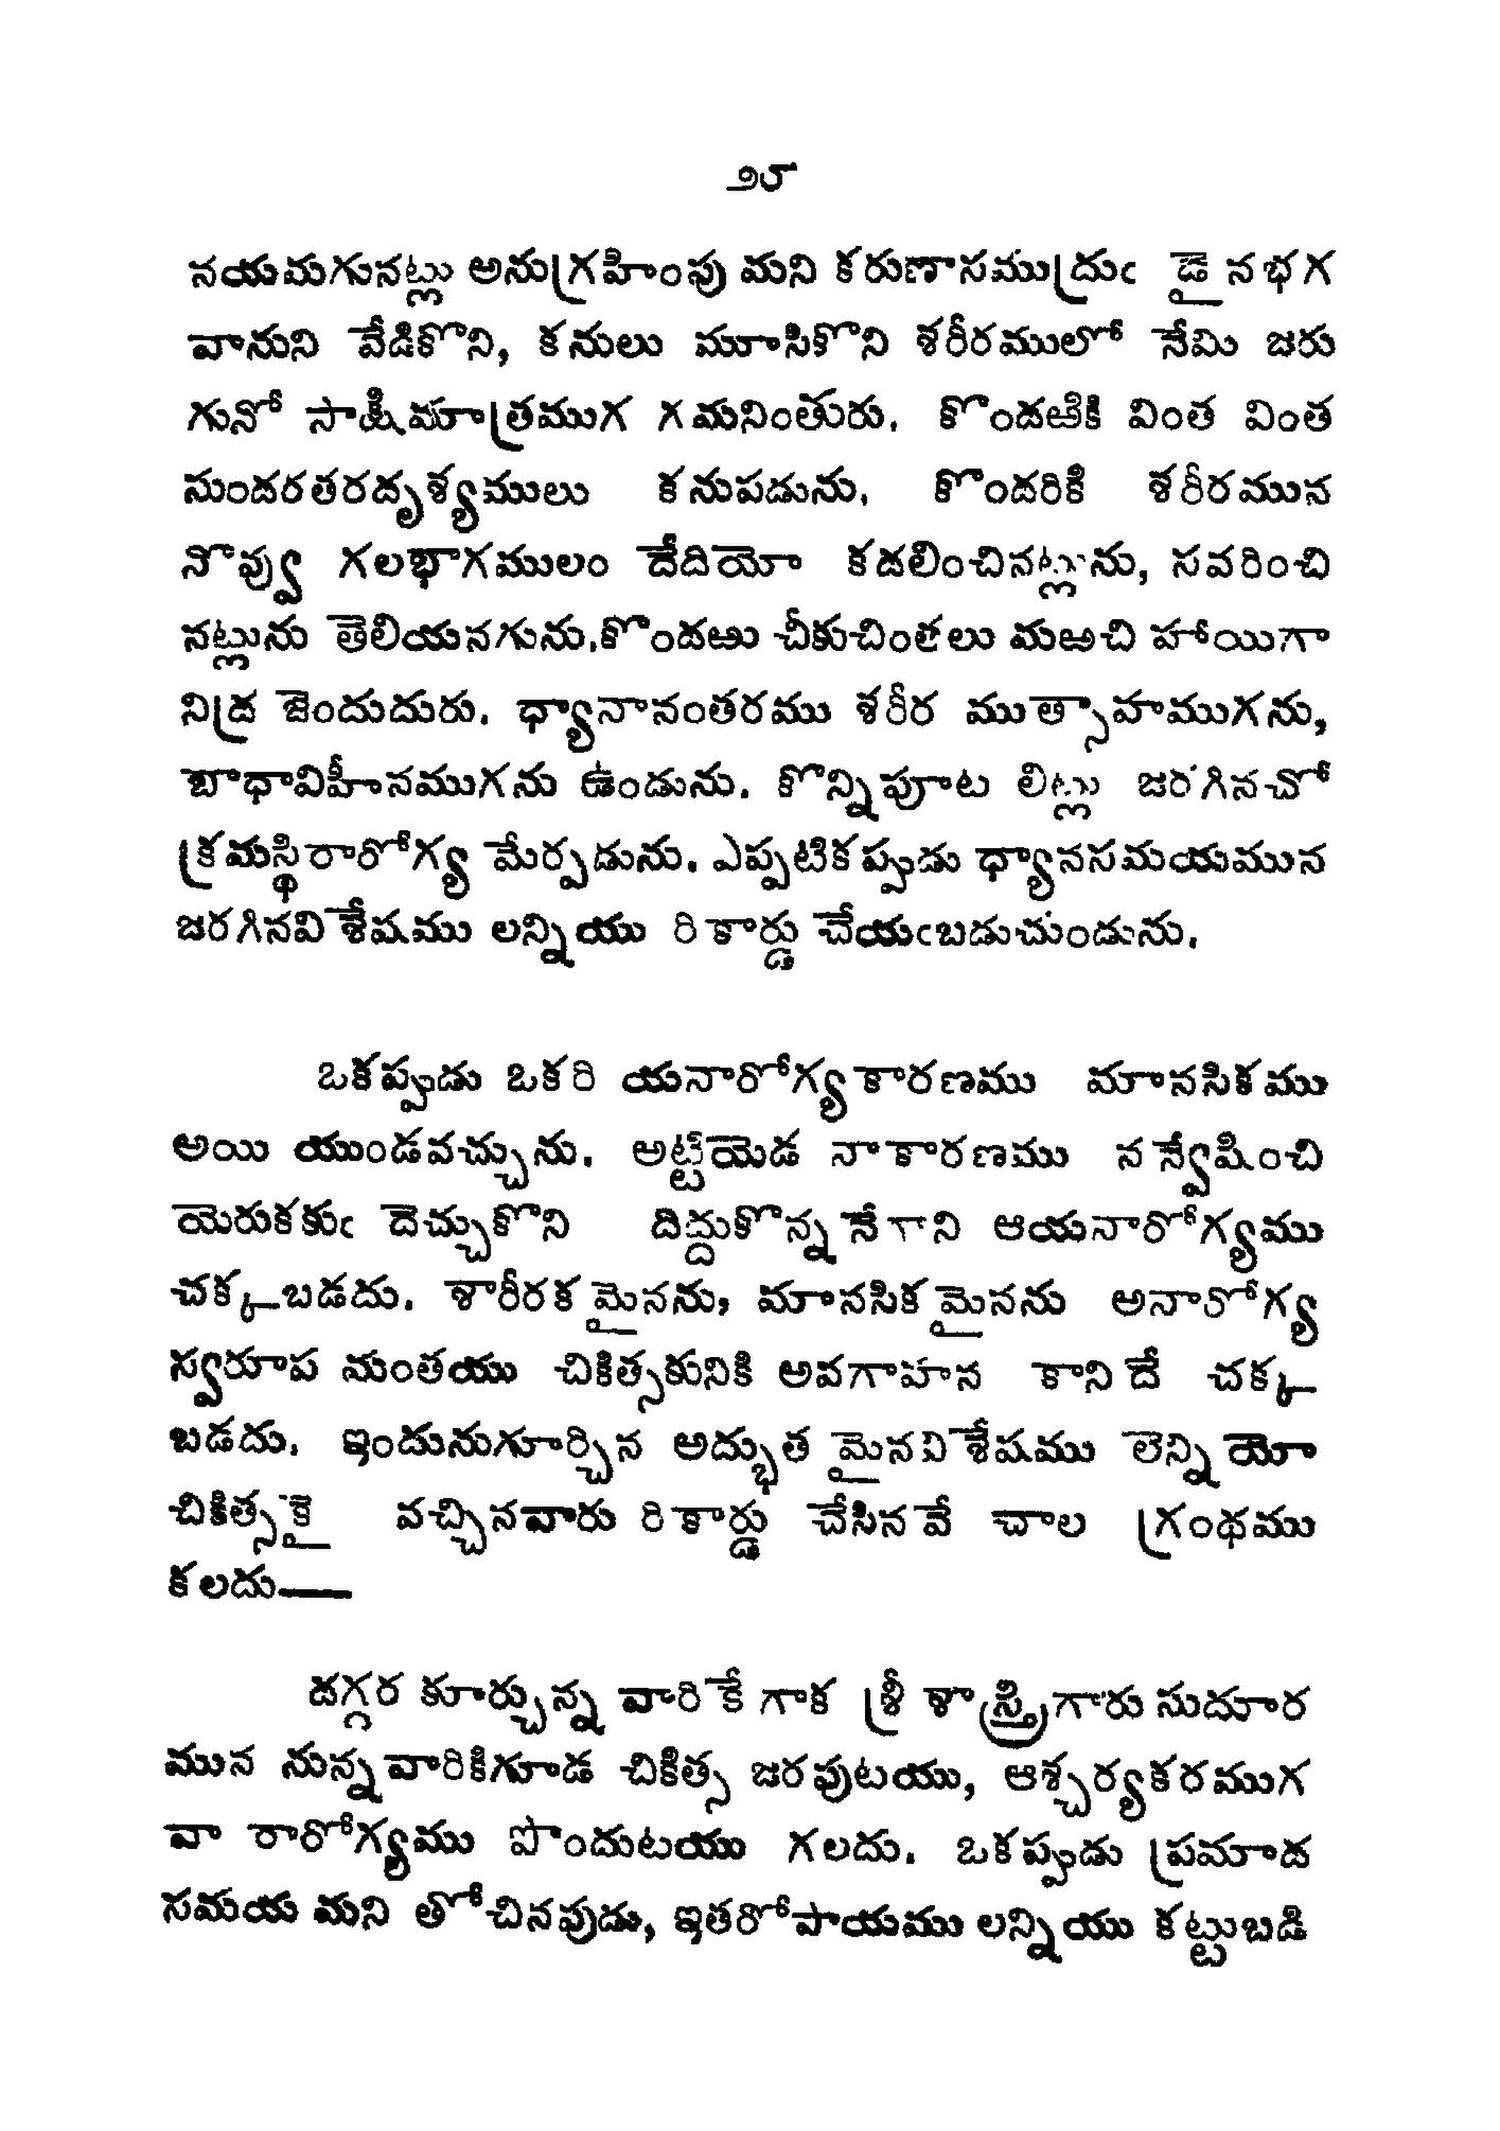నయమగునట్లు అనుగ్రహింపుమని కరుణాసముద్రుఁ డ్తెనభగ వానుని వేడికొని, కనులు మూసికొని శరీరములో నేమి జరుగునో సాక్షిమాత్రముగ గమనింతురు. కొందరుఱికి వింత వింత సుందరతరదృశ్యములు కనుపడును. కొందరికి శరీరమున నొవ్వు గలభాగమూలం దేదియో కదలించినట్లును, సవరించి నట్లును తెలియనగును. కొందరు చీకుచింతలు మరచి హాయిగా నిద్ర జేందుదురు. ధ్యానానంతరము శరీర ముత్సాహముగాను, బాధావిహీనముగను ఉండును. కొన్ని పూట లిట్లు జరగినచొ క్రమస్దిరారోగ్యమేర్పడును. ఎప్పటికప్పుడు ధ్యాననమయమున జరగిన విశేషము లన్నియు రికార్డు చేయబడుచుండును.
 ఒకప్పుడు ఒకరి యనారోగ్యకారణము మానసికము అయి యుండవచ్చును. అట్టియెడ నాకారణము నన్వేషించి యేరుకకుఁ దెచ్చుకొని దిద్దుకొన్ననేగాని ఆ యనారోగ్యము చక్కబడదు, శారీరకమ్తేనను, మానసికమ్తెనను అనారోగ్య స్వరూప మంతయు చికిత్సకునికి అవగాహన కానిదే చక్కబడదు. ఇందునుగూర్చిన అద్బుతమ్తెన విశేషము లెన్నియో చికిత్సాక్తె వచ్చిన వారురికార్డు చేసినవె చాల గ్రంథము కలదు
 దగ్గర కూర్చున్న వారికే శ్రీశాస్త్రిగారు సుదూరమున నున్న వారికిగూడ చికిత్స జరపుటయు , ఆశ్చర్యకరముగ వారారోగ్యము పొందుటయు గలదు. ఒకప్పుడు ప్రమాద సమయ మనితోచినపుడు ఇతరోపాయము అన్నియు కట్టుబడి